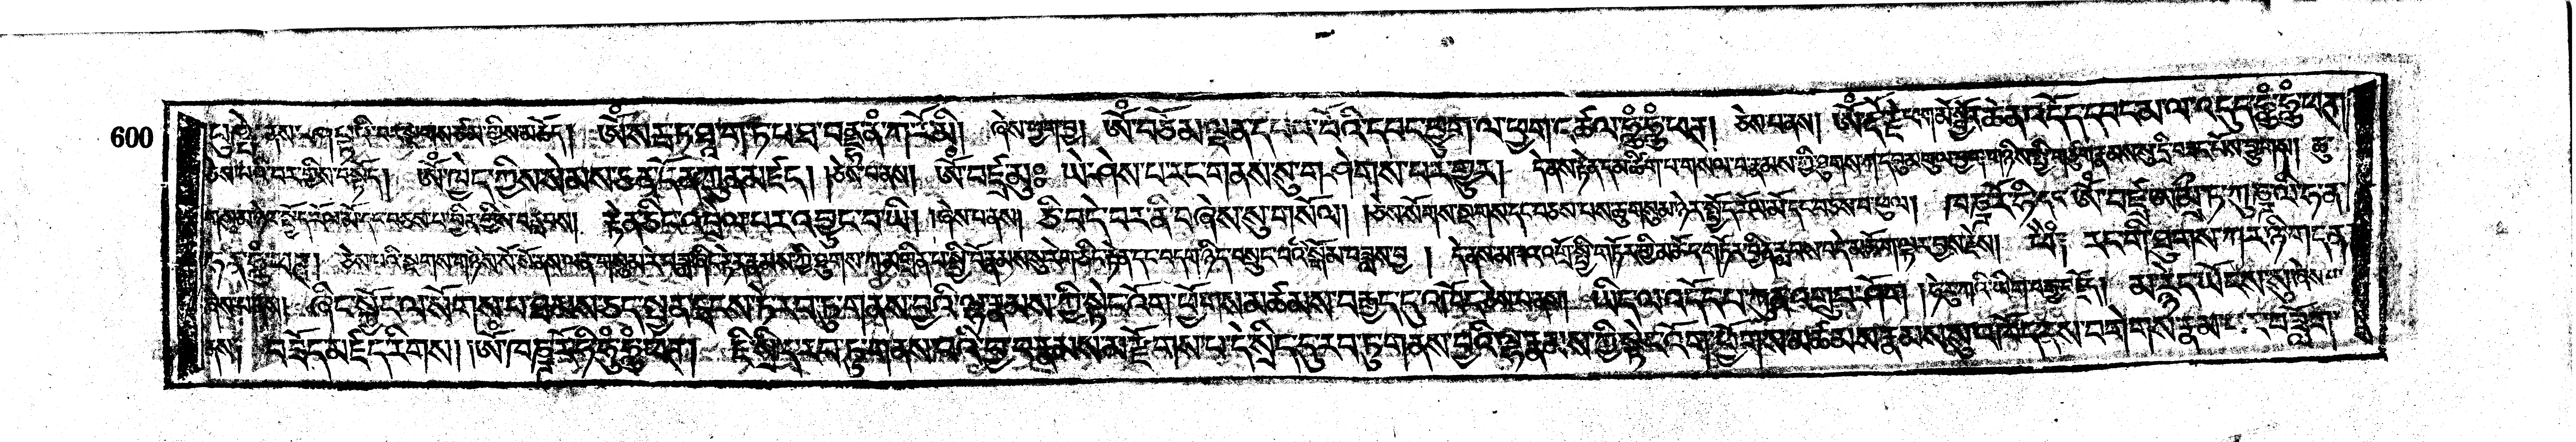པུཥྤེ་ནས་ཤཔྟའི་བར་སྔགས་ཙམ་གྱིས་མཆོད།  ཨོཾ་སརྦ་ཏ་ཐཱ་ག་ཏ་པ་ཐ་བནྡྷ་ནཾ་ཀ་རོ་མི། ཞེས་ཕྱག་བྱ།  ཨོཾ་བཅོམ་ལྡན་དཔའ་བོའི་དབང་ཕྱུག་ལ་ཕྱག་འཚལ་ཧཱུཾ་ཧཱུཾ་ཕཊ། ཅེས་པ་ནས།  ཨོཾ་རྡོ་རྗེ་ཕག་མོ་སྤྱོར་ཆེན་འདོད་དབང་མ་ལ་འདུད་ཧཱུཾ་ཧཱུཾ་ཕཊ།
ཅེས་པའི་བར་གྱིས་བསྟོད།  ཨོཾ་ཁྱེད་ཀྱིས་སེམས་ཅན་དོན་ཀུན་མཛད། །ཅེས་པ་ནས།  ཨོཾ་བཛྲ་མུཿཡེ་ཤེས་པ་རང་གནས་སུ་གཤེགས་པར་གྱུར། དེ་ནས་རྟེན་དམ་ཚིག་པ་གསལ་བ་རྣམས་ཀྱི་ཐུགས་ཀ་དབུ་མགུལ་ཕྱག་གཉིས་སྤྱི་གཙུག་རྣམས་སུ་དྲི་བཟང་པོས་བྱུགས། ཆུ་
གསུམ་ཉེར་སྤྱོད་རོལ་མོ་དང་བཅས་པ་བྱིན་གྱིས་བརླབས། རྟེན་ཅིང་འབྲེལ་བར་འབྱུང་བ་ཡི། །ཞེས་པ་ནས།  ཅི་བདེ་བར་ནི་བ་ཞེས་སུ་གསོལ། །ཅེས་སོགས་སྔགས་དང་བཅས་པས་ཆུ་གསུམ་ཉེར་སྤྱོད་རོལ་མོ་དང་བཅས་པ་ཕུལ།  ཁཎྜ་རོ་ཧི་དང་ཨོཾ་བཛྲ་ཨ་མྲྀ་ཏ་ཀུཎྜ་ལི་ཧ་ན་
ཧ་ན་ཧཱུཾ་ཕཊ། ཅེས་པའི་སྤགས་གཉིས་སོ་སོ་ནས་ལན་གསུམ་རེ་བཟླ་ཞིང་རྟེན་རྣམས་ཀྱི་ཐུགས་ཀ་མགྲིན་པ་སྤྱི་བོ་རྣམས་སུ་རེག་ཅིང་རྟེན་དང་བདག་ཉིད་བསྲུང་བའི་སྒོམ་བཟླས་བྱ། དེ་ནས་མཁའ་ལོ་སྤྱི་གཏོར་གྱི་མཆོད་གཏོར་བྱིན་རླབས་བདེ་མཆོག་ལྟར་བྱས་རྗེས།  ཕཻཾ༑ རང་གི་ཐུགས་ཀར་ཉི་གདན་
ཞེས་པ་ནས།  ཞིང་སྐྱོང་ལ་སོགས་པ་ཐམས་ཅད་སྤྱན་དྲངས་ཏེ་རབ་ཏུ་གནས་བྱའི་ལྷ་རྣམས་གྱི་སྟེང་འོག་ཕྱོགས་མཚམས་བརྒྱད་དུ་འཁོད་ཅེས་པ་ནས།  ཡིད་ལ་འདོད་པ་ཀུན་འགྲུབ་ཤོག་།ཧེ་རུ་ཀའི་ཡིག་བརྒྱ་བརྗོད།  མ་རྙེད་ཡོངས་སུ་ཞེས་པ་
ནས། བཟོད་མཛད་རིགས། །ཨོཾ་ཁཎྜ་རོ་ཧི་ཧུཾ་ཧཱུཾ་ཕཊ། ཇི་སྲིད་རབ་ཏུ་གནས་པའི་བྱ་བ་རྣམས་མ་རྫོགས་པ་དེ་སྲིད་དུ་རབ་ཏུ་གནས་བྱའི་ལྷ་རྣམས་ཀྱི་སྟེང་འོག་ཕྱོགས་མཚམས་རྣམས་སུ་འཁོད་ནས་བགེགས་རྣམ་པར་བཟློག་